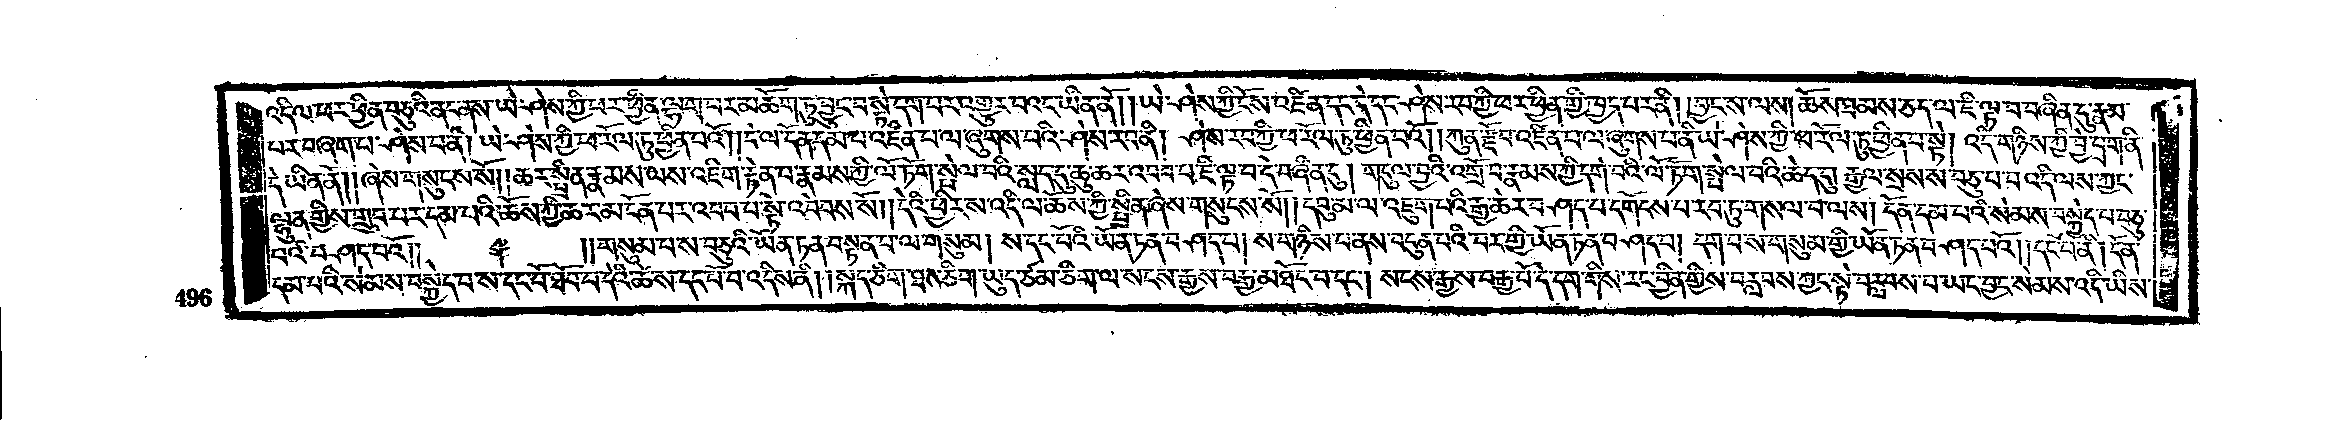འདི་ལ་ཕར་ཕྱིན་བཅུའི་ནང་ནས་ཡེ་ཤེས་ཀྱི་ཕར་ཕྱིན་ལྷག་པར་མཆོག་ཏུ་བྱུང་བ་སྟེ་དག་པར་འགྱུར་བའང་ཡིན་ནོ། །ཡེ་ཤེས་ཀྱི་ངོས་འཛིན་དང་དེ་དང་ཤེས་རབ་ཀྱི་ཕར་ཕྱིན་གྱི་ཁྱད་པར་ནི། །བྱང་ས་ལས། ཆོས་ཐམས་ཅད་ལ་ཇི་ལྟ་བ་བཞིན་དུ་རྣམ་
པར་བཞག་པ་ཤེས་པ་ནི། ཡེ་ཤེས་ཀྱི་ཕ་རོལ་ཏུ་ཕྱིན་པའོ། །དེ་ལ་དོན་དམ་པ་འཛིན་པ་ལ་ཞུགས་པའི་ཤེས་རབ་ནི། ཤེས་རབ་ཀྱི་ཕ་རོལ་ཏུ་ཕྱིན་པའོ། །ཀུན་རྫོབ་འཛིན་པ་ལ་ཞུགས་པ་ནི་ཡེ་ཤེས་ཀྱི་ཕ་རོལ་ཏུ་ཕྱིན་པ་སྟེ། འདི་གཉིས་ཀྱི་བྱེ་བྲག་ནི་
དེ་ཡིན་ནོ། །ཞེས་གསུངས་སོ། །ཆར་སྤྲིན་རྣམས་ལས་འཇིག་རྟེན་པ་རྣམས་ཀྱི་ལོ་ཏོག་སྤེལ་བའི་སླད་དུ་ཆུ་ཆར་འབབ་པ་ཇི་ལྟ་བ་དེ་བཞིན་དུ། གདུལ་བྱའི་འགྲོ་བ་རྣམས་ཀྱི་དགེ་བའི་ལོ་ཏོག་སྤེལ་བའི་ཆེད་དུ། རྒྱལ་སྲས་ས་བཅུ་པ་བ་འདི་ལས་ཀྱང་
ལྷུན་གྱིས་གྲུབ་པར་དམ་པའི་ཆོས་ཀྱི་ཆར་མངོན་པར་འབབ་པ་སྟེ་འབེབས་སོ། །དེའི་ཕྱིར་ས་འདི་ལ་ཆོས་ཀྱི་སྤྲིན་ཞེས་གསུངས་སོ། །དབུ་མ་ལ་འཇུག་པའི་རྒྱ་ཆེར་བཤད་པ་དགོངས་པ་རབ་ཏུ་གསལ་བ་ལས། དོན་དམ་པའི་སེམས་བསྐྱེད་པ་བཅུ་
པའི་བཤད་པའོ།། ༈ །།གསུམ་པ་ས་བཅུའི་ཡོན་ཏན་བསྟན་པ་ལ་གསུམ། ས་དང་པོའི་ཡོན་ཏན་བཤད་པ། ས་གཉིས་པ་ནས་བདུན་པའི་བར་གྱི་ཡོན་ཏན་བཤད་པ། དག་པ་ས་གསུམ་གྱི་ཡོན་ཏན་བཤད་པའོ། །དང་པོ་ནི། དོན་
དམ་པའི་སེམས་བསྐྱེད་པ་ས་དང་པོ་ཐོབ་པ་དེའི་ཚེ་ས་དང་པོ་བ་འདིས་ནི། །སྐད་ཅིག་ཐང་ཅིག་ཡུད་ཙམ་ཅིག་ལ་སངས་རྒྱས་བརྒྱ་མཐོང་བ་དང་། སངས་རྒྱས་བརྒྱ་པོ་དེ་དག་གིས་རང་བྱིན་གྱིས་བརླབས་ཀྱང་སྟེ་བརླབས་པ་ཡང་བྱང་སེམས་འདི་ཡིས་